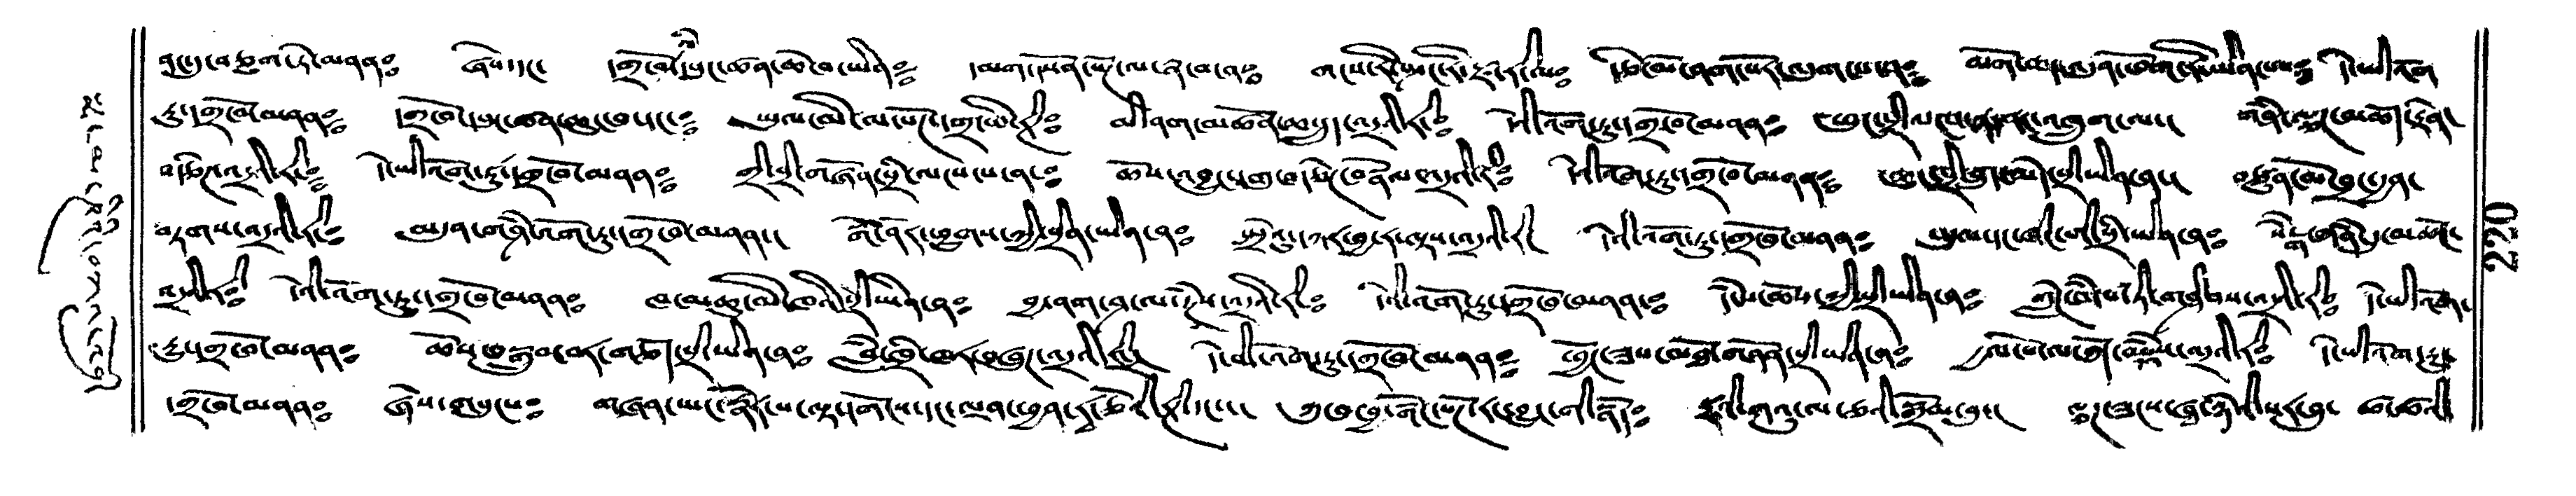ནང་དུ་བཅུག་ཏེ་མནན༔ ཞེས་དང་། དགྲ་བོའི་དཔུང་ཚན་ཆེ་བ་ཡི༔ དམག་དཔོན་སོགས་ལ་རྣ་བ་ན༔ གངས་རི་སྤང་རི་རྫ་རི་ལ༔ རྩེ་མོ་ནག་པོར་འདུག་པ་ན༔ མགོ་ཆད་འདུན་ཕོག་རི་ཡིན་ལ༔ དེ་ཡི་འོག་
ཏུ་དགྲ་བོ་མནན༔ དགྲ་བོ་དཔུང་ཚན་ཆུང་བ་དང༔ ཡུལ་མི་ལ་སོགས་དགྲ་ཡི་རིགས༔ མི་ནག་མཚོན་ཆ་དྲུད་འདྲའི་རི༔ དེའི་འོག་ཏུ་དགྲ་བོ་མནན༔ ཕུང་སྲི་ལངས་ན་ནང་འཁྲུག་ལ༔ གནམ་ལྕགས་མཆོད་རྟེན་
བརྩེགས་འདྲའི་རི༔ དེ་ཡི་འོག་ཏུ་དགྲ་བོ་མནན༔ གྲི་སྲི་གཞོན་སྲི་ལངས་པ་ན༔ ཆོས་འབྱུང་དགུ་བརྩེགས་བསྣོལ་འདྲའི་རི༔ དེའི་འོག་ཏུ་དགྲ་བོ་མནན༔ ཆུང་སྲི་བུད་མེད་སྲི་ཡིན་ན༔ བཙུན་མོ་བྲང་རྒྱན་
བཏགས་འདྲའི་རི༔ མདུན་གཤམ་འོག་ཏུ་དགྲ་བོ་མནན༔ སྒོ་ནོར་ཕྱུགས་ཀྱི་སྲི་ཡིན་ནཿ སྤྲེའུ་དཀར་བྱ་ར་ལྟས་འདྲའི་རི༔དེའི་འོག་ཏུ་དགྲ་བོ་མནན༔ ཡུལ་དང་ཞིང་གི་སྲི་ཡིན་ན༔ སེངྒེ་གནམ་དུ་མཆོང་
འདྲའི་རི༔ དེའི་འོག་ཏུ་དགྲ་བོ་མནནཿ ཁ་མཆུ་མི་ཁའི་སྲི་ཡིན་ན༔ བྱ་ནག་ཤ་ལ་རྔམས་འདྲའི་རི༔ དེའི་འོག་ཏུ་དགྲ་བོ་མནན༔ དམ་པ་ཆོས་ཀྱི་སྲི་ཡིན་ན༔ གླེགས་བམ་པོ་ཏི་གཤིབས་འདྲའི་རི༔ དེ་ཡི་འོག་
ཏུ་དགྲ་བོ་མནནཿ ཆོས་བསྒྲུབ་བར་གཅོད་སྲི་ཡིན་ན༔ བླ་མ་ཁྲི་ཁར་བཞུགས་འདྲའི་རི༔ དེ་ཡི་འོག་ཏུ་དགྲ་བོ་མནན༔ ཕྱོགས་ཟས་མཐོ་གནོན་སྲི་ཡིན་ནཿ རྒྱལ་པོ་ལ་ཐོད་བསྡམས་འདྲའི་རི༔ དེ་ཡི་འོག་ཏུ་
དགྲ་བོ་མནན༔ ཞེས་གསུངས། གཞན་ཡང་རྣམ་འབྱོར་པ་ལྟ་དགོངས་དང་ལྡན་ཕྱིན་རྭ་ཅོའི་རིགས་དང་། ཀུ་བ་བྱ་སྒོང་སོགས་རང་བྱུང་གི་སྣོད། རྫའི་གའུ། ལ་ཆའི་སྒྲོམ་བུ། ལྕགས་ཟངས་ཞྭ་ཉེའི་པར་བུ། ཚ་ཚའི་